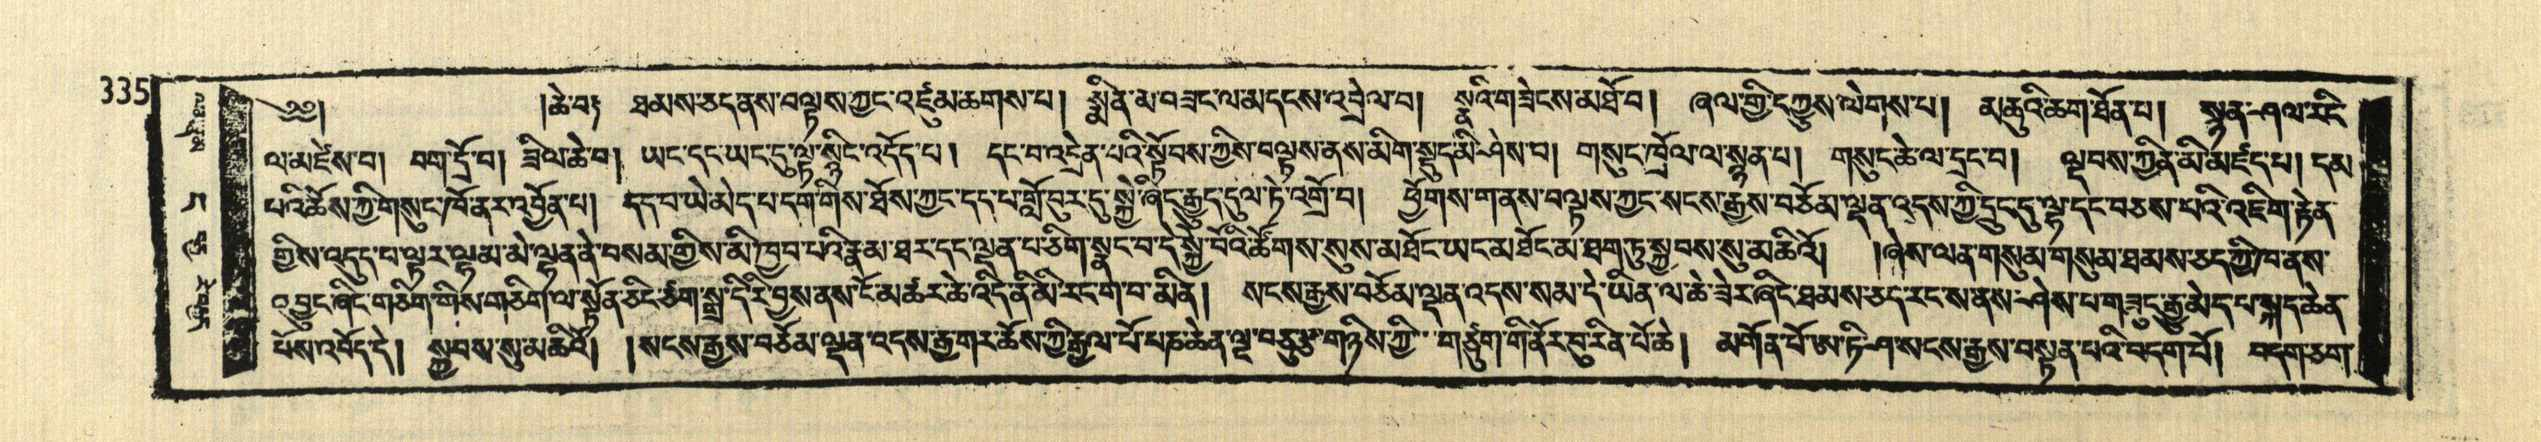༄༅། །ཆེ་བ༑ ཐམས་ཅད་ནས་བལྟས་ཀྱང་འཛུམ་ཆགས་པ། སྨིན་མ་བཟང་ལ་མདངས་འབྲེལ་བ། སྣའི་གཟེངས་མཐོ་བ། ཞལ་གྱི་དཀྱུས་ལེགས་པ། མཆུའི་ཆག་ཐོན་པ། སྙན་ཤལ་རིང་
ལ་མཛེས་བ། བག་དྲོ་བ། ཟིལ་ཆེ་བ། ཡང་དང་ཡང་དུ་ལྟ་སྙིང་འདོད་པ། དང་བ་འདྲེན་པའི་སྟོབས་ཀྱིས་བལྟས་ནས་མིག་སྡུད་མི་ཤེས་བ། གསུང་ཁྲོལ་ལ་སྙན་པ། གསུང་ཆེ་ལ་དྲང་བ། ལྡབས་ཀྱིན་མི་མཛད་པ། དམ་
པའི་ཆོས་ཀྱི་གསུང་ཁོ་ནར་འབྱོན་པ། དད་བ་ཡེ་མེད་པ་དག་གིས་ཐོས་ཀྱང་དད་པ་གློ་བུར་དུ་སྐྱེ་ཞིང་རྒྱུད་དུལ་ཏེ་འགྲོ་བ། ཕྱོགས་ག་ནས་བལྟས་ཀྱང་སངས་རྒྱས་བཅོམ་ལྡན་འདས་ཀྱི་དྲུང་དུ་ལྷ་དང་བཅས་པའི་འཇིག་རྟེན་
གྱིས་འདུད་པ་ལྟར་ལྷམ་མེ་ལྷན་ནེ་བསམ་གྱིས་མི་ཁྱབ་པའི་རྣམ་ཐར་དང་ལྡན་པ་ཅིག་སྣང་བ་དེ་སྐྱེ་བོའི་ཚོགས་སུས་མཐོང་ཡང་མཐོང་མ་ཐག་ཏུ་སྐྱབས་སུ་མཆིའོ། །ཞེས་ལན་གསུམ་གསུམ་ཐམས་ཅད་ཀྱི་ཁ་ནས་
འབྱུང་ཞིང་གཅིག་གིས་གཅིག་ལ་སྟོན་ཅིང་ཙག་སྒྲ་དི་རི་བྱས་ནས་ངོ་མཚར་ཆེ་འདི་ནི་མི་རང་ག་བ་མིན། སངས་རྒྱས་བཅོམ་ལྡན་འདས་སམ་དེ་ཡིན་ལ་ཆེ་ཟེར་ཞིང་ཐམས་ཅད་རང་ས་ནས་ཤེས་པ་གཟུང་རྒྱུ་མེད་པ་སྐད་ཆེན་
པོས་འབོད་དེ། སྐྱབས་སུ་མཆིའོ། །སངས་རྒྱས་བཅོམ་ལྡན་འདས་རྒྱ་གར་ཆོས་ཀྱི་རྒྱལ་པོ་པཎ་ཆེན་ལྔ་བཅུ་རྩ་གཉིས་ཀྱི་གཙུག་གི་ནོར་བུ་རིན་པོ་ཆེ། མགོན་པོ་ཨ་ཏི་ཤ་སངས་རྒྱས་བསྟན་པའི་བདག་པོ། བདག་ཅག་